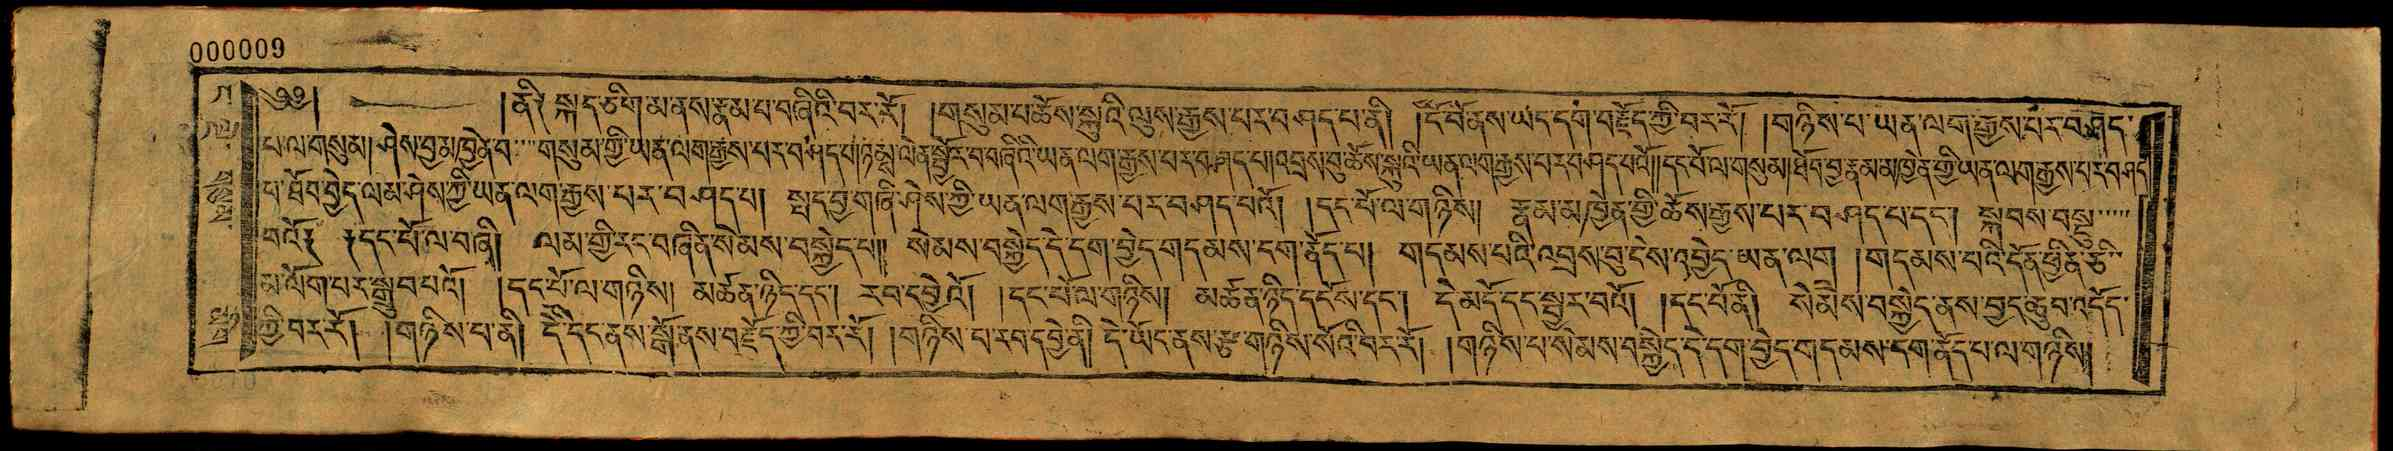༄༅། །ནི། སྐད་ཅིག་མ་ནས་རྣམ་པ་བཞིའི་བར་རོ། །གསུམ་པ་ཆོས་སྐུའི་ལུས་རྒྱས་པར་བཤད་པ་ནི། །ངོ་བོ་ནས་ཡང་དག་བརྗོད་ཀྱི་བར་རོ། །གཉིས་པ་ཡན་ལག་རྒྱས་པར་བཤད་
པ་ལ་གསུམ། ཤེས་བྱ་མཁྱེན་པ་གསུམ་གྱི་ཡན་ལག་རྒྱས་པར་བཤད་པ། ཉམ་ལེན་སྦྱོར་བ་བཞིའི་ཡན་ལག་རྒྱས་པར་བཤད་པ། འབྲས་བུ་ཆོས་སྐུའི་ཡན་ལག་རྒྱས་པར་བཤད་པའོ། །དང་པོ་ལ་གསུམ། ཐོབ་བྱ་རྣམ་མཁྱེན་གྱི་ཡན་ལག་རྒྱས་པར་བཤད་
པ༑ ཐོབ་བྱེད་ལམ་ཤེས་ཀྱི་ཡན་ལག་རྒྱས་པར་བཤད་པ། སྤང་བྱ་གཞི་ཤེས་ཀྱི་ཡན་ལག་རྒྱས་པར་བཤད་པའོ། །དང་པོ་ལ་གཉིས། རྣམ་མཁྱེན་གྱི་ཆོས་རྒྱས་པར་བཤད་པ་དང་། སྐབས་བསྡུ་
བའོ༑ ༑དང་པོ་ལ་བཞི། ལམ་གྱི་རང་བཞིན་སེམས་བསྐྱེད་པ། སེམས་བསྐྱེད་དེ་དག་བྱེད་གདམས་ངག་ནོད་པ། གདམས་པའི་འབྲས་བུ་ངེས་འབྱེད་ཡན་ལག །གདམས་པའི་དོན་ཕྱིན་ཅི་
མ་ལོག་པར་སྒྲུབ་པའོ། །དང་པོ་ལ་གཉིས། མཚན་ཉིད་དང་། རབ་དབྱེའོ། །དང་པོ་ལ་གཉིས། མཚན་ཉིད་དངོས་དང་། དེ་མདོ་དང་སྦྱར་བའོ། །དང་པོ་ནི། སེམས་བསྐྱེད་ནས་བྱང་ཆུབ་འདོད་
ཀྱི་བར་རོ། །གཉིས་པ་ནི། དེ་དང་ནས་སྒོ་ནས་བརྗོད་ཀྱི་བར་རོ། །གཉིས་པ་རབ་དབྱེ་ནི། དེ་ཡང་ནས་རྩ་གཉིས་སོའི་བར་རོ། །གཉིས་པ་སེམས་བསྐྱེད་དེ་དག་བྱེད་གདམས་ངག་ནོད་པ་ལ་གཉིས།